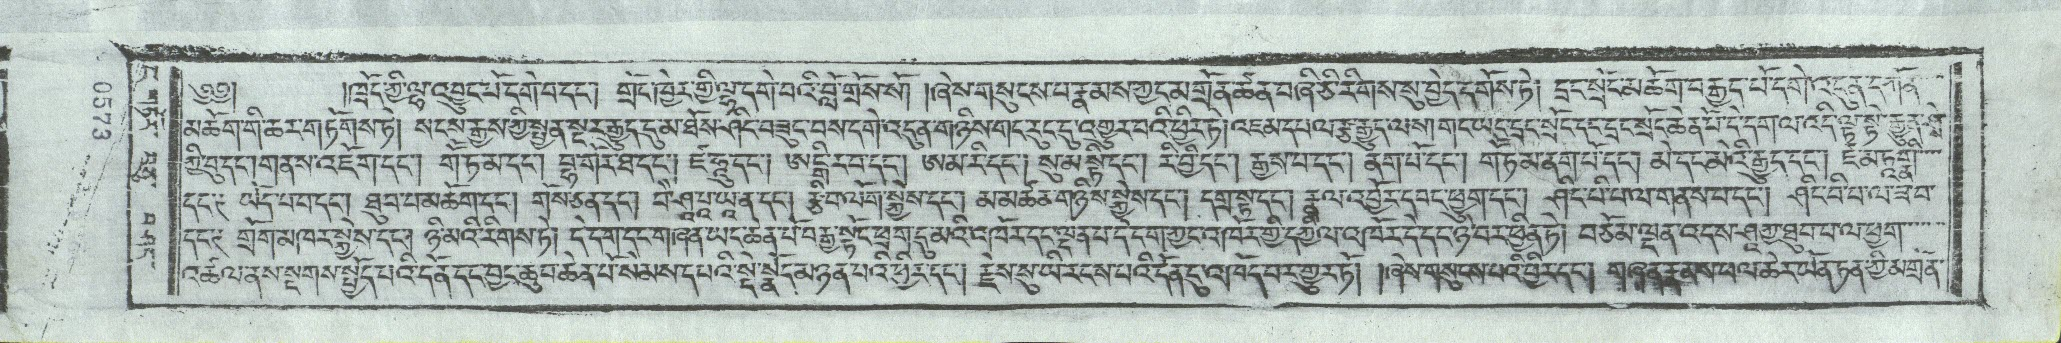༄༅། །ཁྲོད་ཀྱི་ལྷ་འབྱུང་པོ་དགེ་བ་དང་། གྲོང་ཁྱེར་གྱི་ལྷ་དགེ་བའི་བློ་གྲོས་སོ། །ཞེས་གསུངས་བ་རྣམས་ཀྱང་མགྲོན་ཚན་བཞི་ཅི་རིགས་སུ་བྱེད་དགོས་ཏེ། དྲང་སྲོང་མཆོག་བརྒྱད་པོ་དགེ་འདུན་དཀོན་
མཆོག་གི་ཆར་གཏོགས་ཏེ། སངས་རྒྱས་ཀྱི་སྤྱན་སྔར་རྒྱུད་དུ་མ་ཐོས་ཤིང་བཟུང་བས་དགེ་འདུན་གཉིས་གང་རུང་དུ་འགྱུར་བའི་དང་དྲང་སྲོང་ཆེན་པོ་དེ་དག་ལ་འདི་ལྟ་སྟེ་རྒྱུན་ཤེས་ཀྱི་དང་དྲང་སྲོང་ཆེན་པོ་དེ་དག་ལ་འདི་ལྟ་སྟེ་རྒྱུན་ཤེས་
ཀྱི་བུ་དང་། གནས་འཇོག་དང་། གཽ་ཏ་མ་དང་། བྷ་གོར་ཐ་དང་། ཛ་ཧཱུ་དང་། ཨདྷི་ར་བ་དང་། ཨ་མ་རི་དང་། སུ་མ་སྟི་དང་། རི་བྱི་དང་། རྒྱས་པ་དང་། ནག་པོ་དང་། གོ་ཏ་མ་ནག་པོ་དང་། མེ་དང་མེའི་རྒྱུད་དང་། ཛ་མ་ཏཱབྣི།
དང༑ ཡོད་པ་བ་དང་། ཐུབ་པ་མཆོག་དང་། གོས་ཅན་དང་། བཻ་ཤཱ་པཱ་ཡཱ་ན་དང་། རྩི་བ་ལོག་སྐྱེས་དང་། མ་མཚན་གཉིས་སྐྱེས་དང་། དགྲ་སྟ་དང་། རྣལ་འབྱོར་དབང་ཕྱུག་དང་། ཤིང་པོ་པ་ལ་གནས་པ་དང་། ཤིང་བི་པ་ལ་ཟབ་
དང༑ གྲོག་མཁར་སྐྱེས་དང་། ཉི་མའི་རིགས་ཏེ། དེ་དག་དང་གཞན་ཡང་ཆེན་པོ་བརྒྱ་སྟོང་ཕྲག་དུ་མའི་འཁོར་དང་ལྡན་པ་དེ་དག་ཀྱང་འཁོར་གྱི་དཀྱིལ་འཁོར་དེ་དང་ཉེ་བར་ཕྱིན་ཏེ། བཅོམ་ལྡན་འདས་ཤཱཀྱ་ཐུབ་པ་ལ་ཕྱག་
འཚལ་ནས་སྔགས་སྤྱོད་པའི་དོན་དང་བྱང་ཆུབ་ཆེན་པོ་སེམས་དཔའི་སྡེ་སྣོད་མཉན་པའི་ཕྱིར་དང་། རྗེས་སུ་ཡི་རངས་པའི་དོན་དུ་འཁོད་པར་གྱུར་ཏོ། །ཞེས་གསུངས་པའི་ཕྱིར་དང་། གཞན་རྣམས་པལ་ཆེར་ཡོན་ཏན་ཀྱི་མགྲོན་